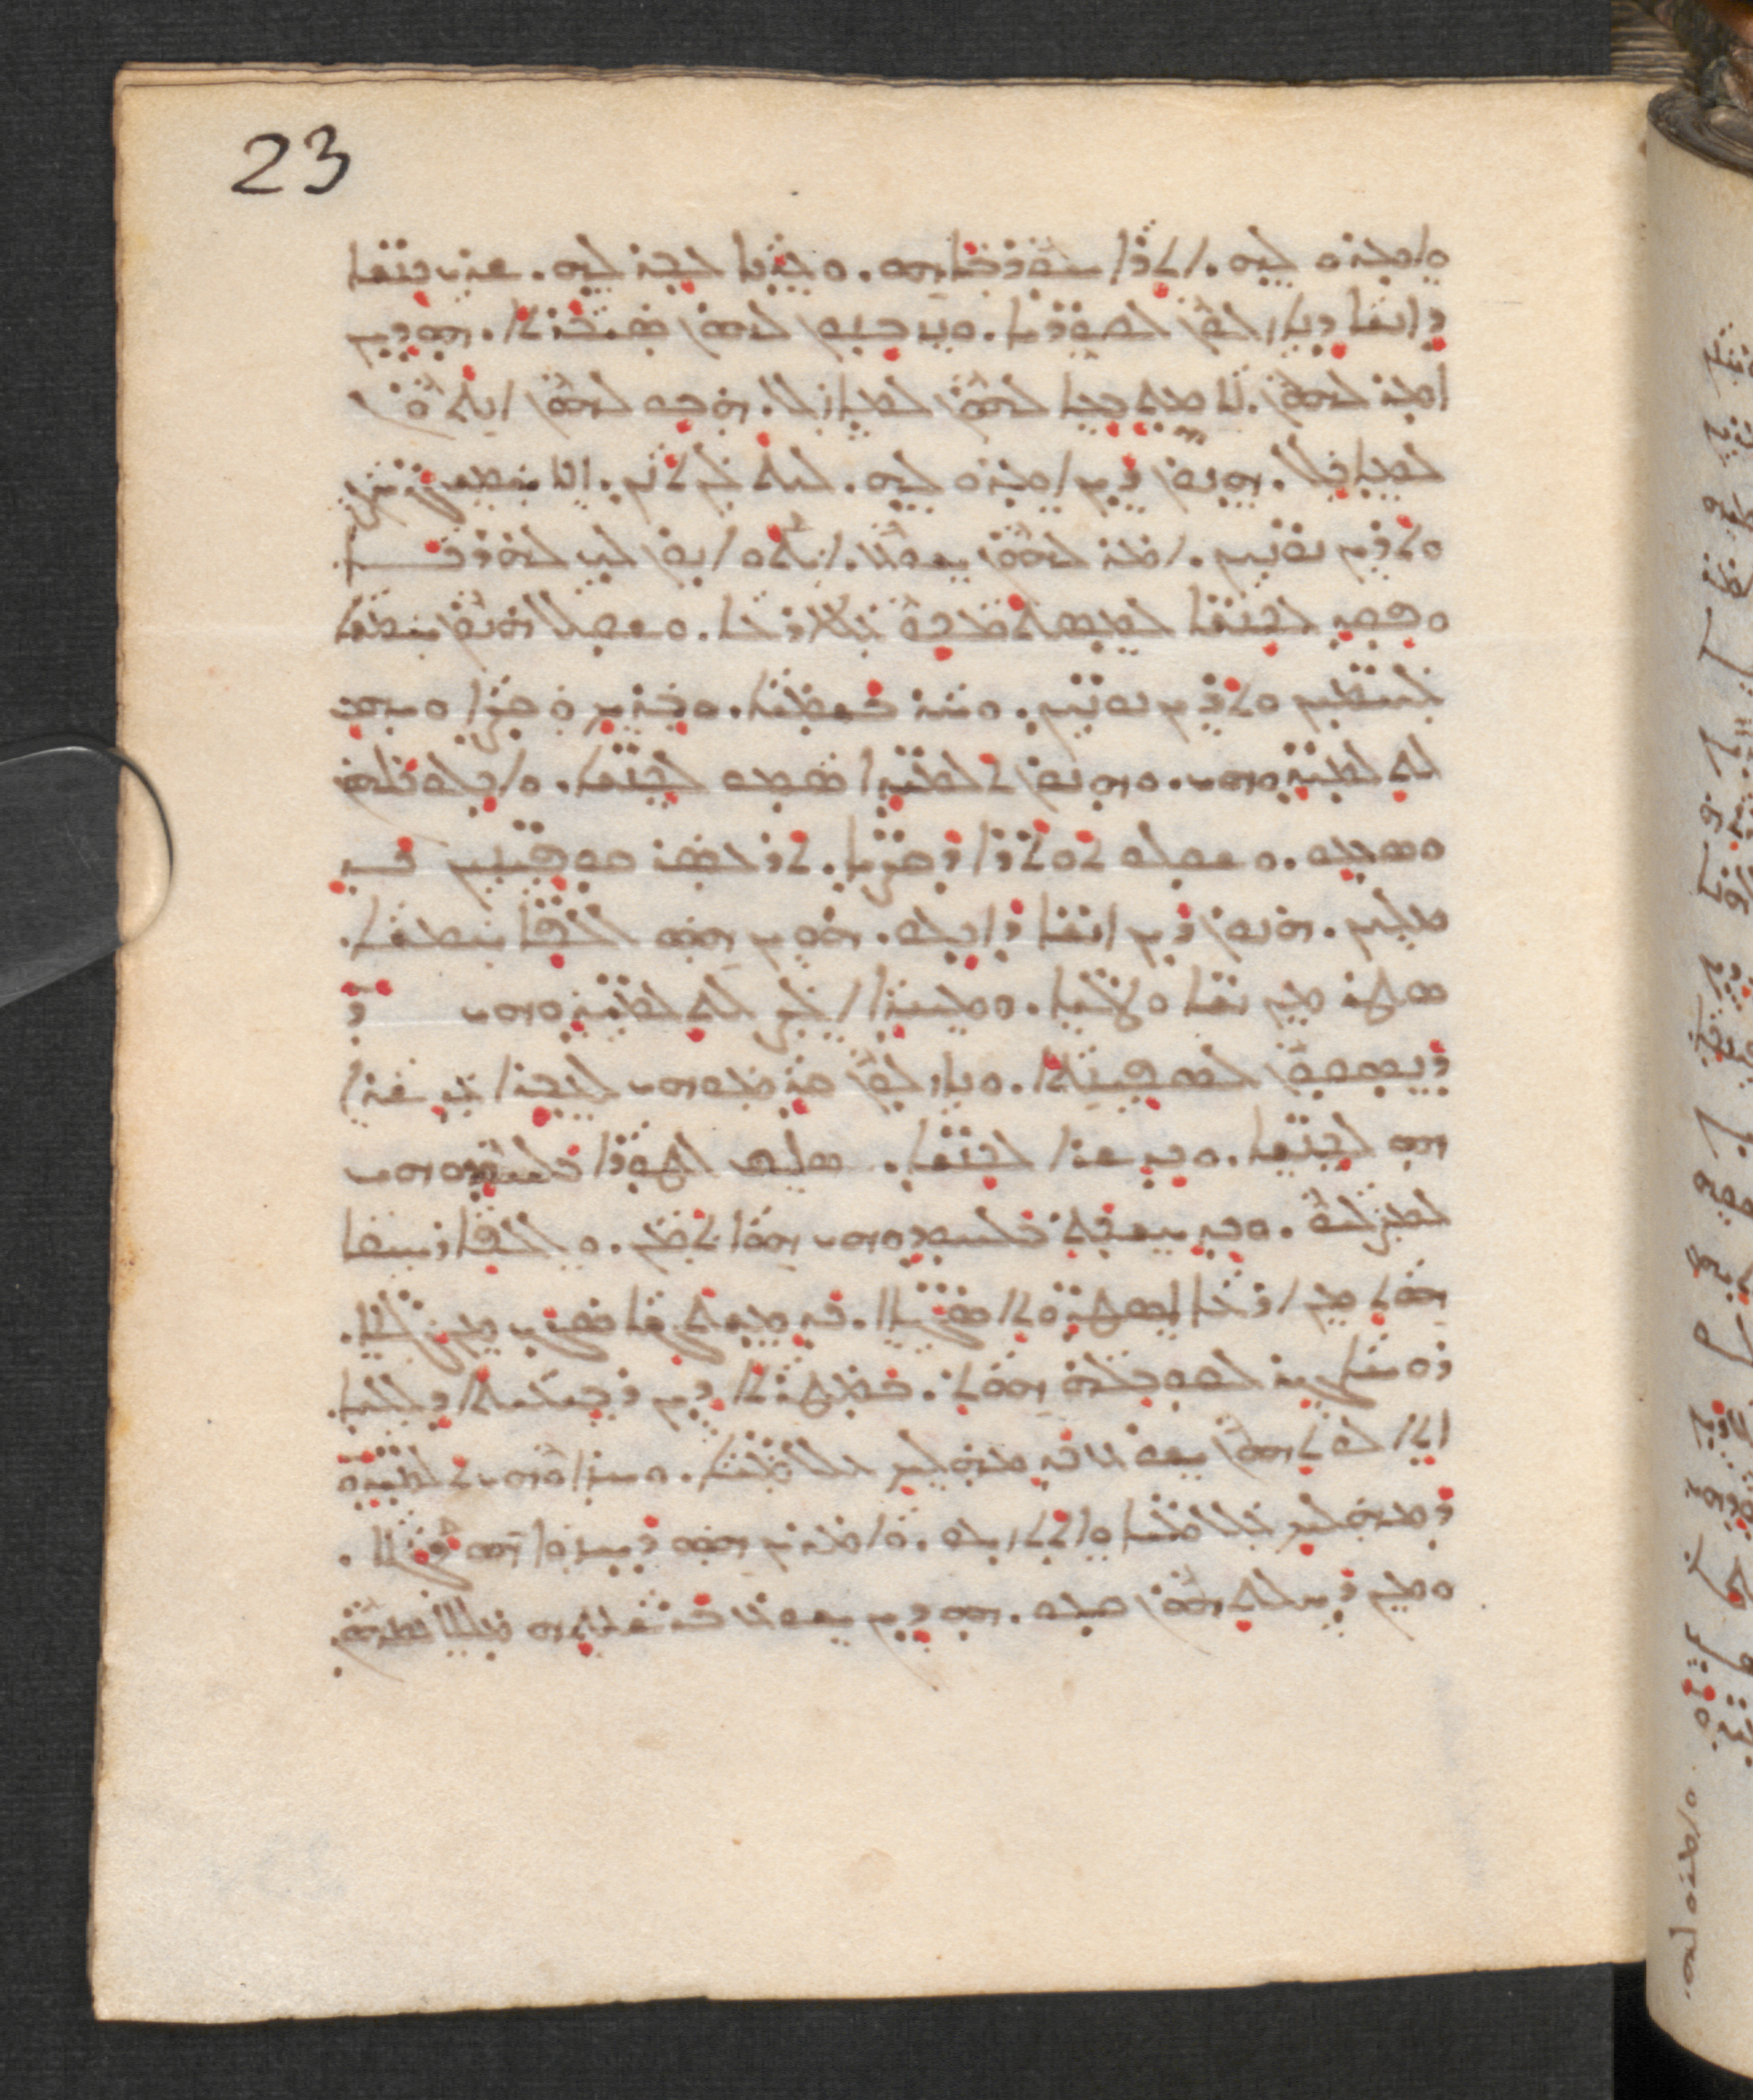ܘܐܡ̣ܪܘ ܠܗ. ܐܬܪܐ ܚܘܪܒܐ ܗܘ. ܘܥܕܢܐ ܥܒ̣ܪ ܠܗ. ܫܪܝ ܟܢ̈ܫܐ
ܕܐܢܫܐ ܕܢܐܙܠܘܢ ܠܩܘܪ̈ܝܐ. ܘܢܙܒܢܘܢ ܠܗܘܢ ܣܝܒܪܬܐ. ܗ̣ܘ ܕܝܢ
ܐܡ̣ܪ ܠܗܘܢ. ܠܐ ܡܬܒܥܐ ܠܗܘܢ ܠܡܐܙܠ. ܗܒܘ ܠܗܘܢ ܐܢܬܘܢ
ܠܡܐܟܠ. ܗܢܘܢ ܕܝܢ ܐܡ̣ܪܘ ܠܗ. ܠܝܬ ܠܢ ܬܢܢ܆ ܐܠܐ ܚܡܫ ܓܪ̈ܨܢ
ܘܬܪ̈ܝܢ ܢܘ̈ܢܝܢ. ܐܡ̇ܪ ܠܗܘܢ ܝܫܘܥ. ܐܝܬܘ ܐܢܘܢ ܠܝ ܠܗܪܟܐ.
ܘܦܩ̣ܕ ܠܟܢܫ̈ܐ ܠܡܣܬܡܟܘ ܥܠ ܐܪܥܐ. ܘܫܩ̣ܠ ܗܢܘܢ ܚܡܫܐ
ܠܚܡ̈ܝܢ ܘܬܪ̈ܝܢ ܢܘܢ̈ܝܢ܆ ܘܚܪ ܒܫܡܝܐ. ܘܒܪܟ ܘܩܨܐ ܘܝܗܒ
ܠܬܠܡܝ̈ܕܘܗܝ. ܘܗ̣ܢܘܢ ܬܠܡܝ̈ܕܐ ܣܡ̣ܘ ܠܟܢ̈ܫܐ. ܘܐܟ̣ܠܘ ܟܠܗܘܢ
ܘܣܒ̣ܥܘ. ܘܫܩ̣ܠܘ ܬܘܬܪ̈ܐ ܕܩܨ̈ܝܐ: ܬܪܥܣܪ ܩܘܦ̈ܝܢܝܢ ܟܕ
ܡܠܝܢ. ܗܢܘܢ ܕܝܢ ܐܢܫܐ ܕܐܟܠܘ. ܗ̇ܘܝܢ ܗܘܘ ܐܠܦ̈ܐ ܚܡܫܐ.
ܣܛܪ ܡܢ ܢܫ̈ܐ ܘܛܠ̈ܝܐ. ܘܡܚܕܐ ܐܠܨ ܠܬܠܡܝ̈ܕܘܗܝ ܏ܕ
ܕܢܣܩܘܢ ܠܣܦܝܢܬܐ. ܘܢܐܙܠܘܢ ܩܕܡܘܗܝ ܠܥܒܪܐ ܥܕ ܫܪܐ
ܗ̣ܘ ܠܟܢ̈ܫܐ. ܘܟܕ ܫܪܐ ܠܟܢ̈ܫܐ. ܣܠܩ ܠܛܘܪܐ ܒܠܚܘܕܗܝ
ܠܡܨܠܝܘ. ܘܟܕ ܚܫܟܬ ܒܠܚܘܕܘܗܝ ܗܘܐ ܬܡܢ. ܘܐܠܦܐ ܪܚܝܩܐ
ܗܘܬ ܡܢ ܐܪܥܐ ܐܣܛܕ̈ܘܬܐ ܣܓ̈ܝܐܐ. ܟܕ ܡܫܬܓܫܐ ܣܓܝ ܡܢ ܓܠ̈ܠܐ.
ܪܘܚܐܓܝܪ ܠܩܘܒܠܗ̇ ܗܘܬ. ܒܡܛܪܬܐ ܕܝܢ ܪܒܝܥܝܬܐ ܕܠܠܝܐ.
ܐܬ̣ܐ ܠܘܬܗܘܢ ܝܫܘܥ ܟܕ ܡܗܠܟ ܥܠ ܡ̈ܝܐ. ܘܚܙܐܘܗܝ ܬܠܡܝ̈ܕ܏ܘ
ܕܡܗܠܝܟ ܥܠ ܡܝ̈ܐ ܘܐܬܬܙܝܥܘ. ܘܐܡ̇ܪܝܢ ܗܘܘ ܕܚܙܘܐ ܗܘ ܕܓܠܐ.
ܘܡܢ ܕܚܠܬܗܘܢ ܩܥ̣ܘ. ܗ̣ܘ ܕܝܢ ܝܫܘܥ ܒܪܫܥܬܗ ܡܠܠܐ ܥܡܗܘܢ
23